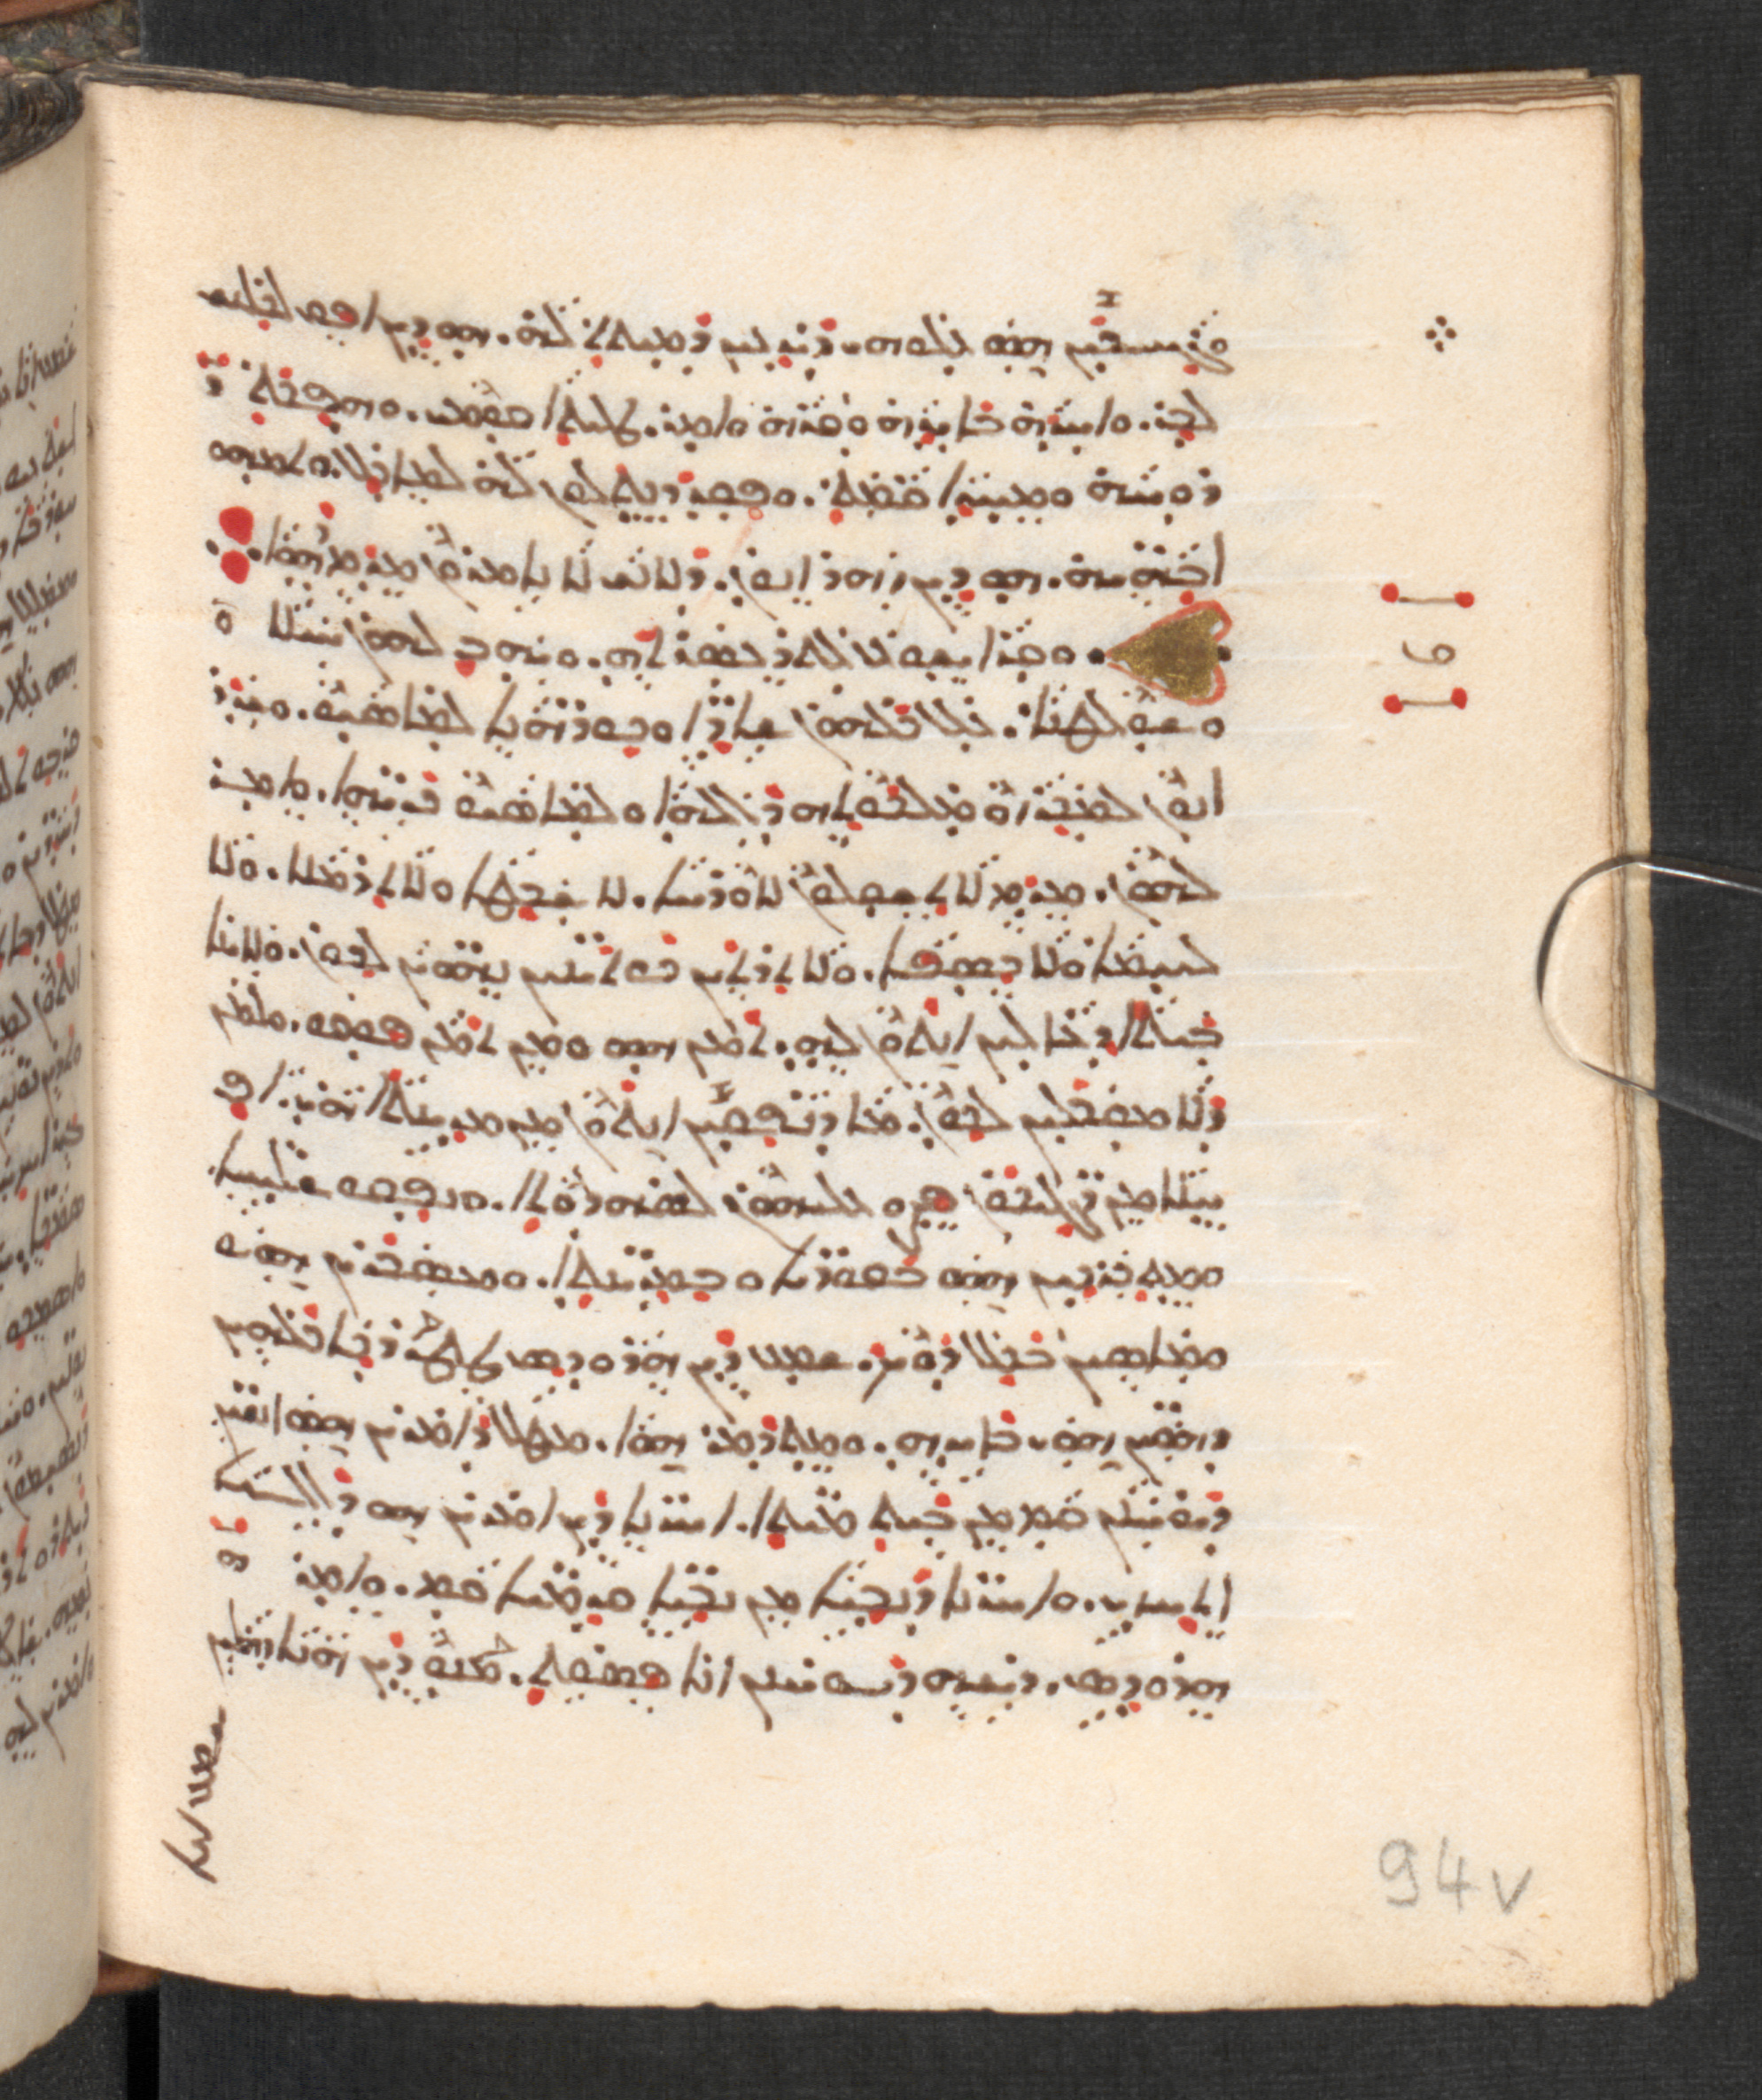ܘܓܚܟܝ̣ܢ ܗܘܘ ܥܠܘܗܝ ܕܝܕܥܝܢ ܕܡܝ̣ܬܬ݀ ܠܗ̇. ܗܘ ܕܝܢ ܐܦܩ ܠܟܠܢܫ
ܠܒܪ. ܘܐܚܕܗ̇ ܒܐܝܕܗ̇ ܘܩܪܗ̇ ܘܐܡ̣ܪ: ܛܠܝܬܐ ܩܘܡܝ. ܘܗ̣ܦܟܬ݀ ܏ܪ
ܪܘܚܗ̇ ܘܡܚܕܐ ܩܡܬ݀. ܘܦܩ̣ܕ ܕܢܬܠܘܢ ܠܗ̇ ܠܡܐܟܠ. ܘܬܡܗ̣ܘ
ܐܒܗ̈ܝܗ̇. ܗ̣ܘ ܕܝܢ ܙ̣ܗܪ ܐܢܘܢ܆ ܕܠܐܢܫ ܠܐ ܢܐܡܪܘܢ ܡܕܡ ܗܘܐ܀
ܘܩ̣ܪܐ ܝܫܘܥ ܠܬܪܥܣܪܬܗ܆ ܘܝܗ̣ܒ ܠܗܘܢ ܚܝܠܐ ܏ܘ
ܘܫܘܠܛܢܐ܇ ܥܠ ܟܠܗܘܢ ܫܐܕ̈ܐ ܘܟܘܪ̈ܗܢܐ ܠܡܐܣܝܘ. ܘܫܕܪ
ܐܢܘܢ ܠܡܟܪܙܘ ܡܠܟܘܬܗ ܕܐܠܗܐ ܘܠܡܐܣܝܘ ܟܪ̈ܝܗܐ. ܘܐܡ̣ܪ
ܠܗܘܢ. ܡܕܡ ܠܐ ܬܫܩܠܘܢ ܠܐܘܪܚܐ. ܠܐ ܫܒܛܐ ܘܠܐ ܬܪܡܠܐ. ܘܠܐ
ܠܚܡܐ ܘܠܐ ܟܣܦܐ. ܘܠܐ ܬܪܬܝܢ ܟܘܬܝܢ̈ܝܢ ܢܗ̈ܘܝܢ ܠܟܘܢ. ܘܠܐܝܢܐ
ܒܝܬܐ ܕܥ̇ܐܠܝܢ ܐܢܬܘܢ ܠܗ܆ ܬܡܢ ܗܘܘ ܘܡ̣ܢ ܬܡܢ ܦܘܩܘ. ܘܠܡ̇ܢ
ܕܠܐ ܡܩܒܠܝܢ ܠܟܘܢ܆ ܡܐ ܕܢܦܩܝܢ ܐܢܬܘܢ ܡ̣ܢ ܡܕܝܢܬܐ ܗ̇ܝ܆ ܐܦ
ܚܠܐ ܡ̣ܢ ܪ̈ܓܠܝܟܘܢ ܦܨܘ ܥܠܝܗܘܢ ܠܣܗܕܘܬܐ. ܘܢܦܩ̣ܘ ܫ̈ܠܝܚܐ
ܘܡܬܒܪܟܝܢ ܗܘܘ ܒܩܘܪ̈ܝܐ ܘܒܡܕܝܢܬܐ܆ ܘܡܣܒܪܝܢ ܗܘܘ ܘ
ܘܡܐܣܝܢ ܒܟܠ ܕܘܟ. ܫܡ̣ܥ ܕܝܢ ܗܪܘܕܣ ܬܛܪܪܟܐ ܟܠܗܝܢ
ܕܗܘ̈ܝܢ ܗܘܝ ܒܐܝܕܗ܆ ܘܡܬ̣ܕܡܪ ܗܘܐ. ܡܛܠ ܕܐܡ̇ܪܝܢ ܗܘܘ ܐܢܫܝ̈ܢ
ܕܝܘܝܢܢ ܩܡ̣ ܡ̣ܢ ܒܝܬ ܡܝ̈ܬܐ. ܐܚܪ̈ܢܐ ܕܝܢ ܐܡܪܝܢ ܗܘܘ ܕܐܠܝܐ
ܐܬܚܙܝ. ܘܐܚܪ̈ܢܐ ܕܢܒܝܐ ܡ̣ܢ ܢܒ̈ܝܐ ܩܕܡ̈ܝܐ ܩܡ. ܘܐܡ̣ܪ ܏ܗ
ܗܪܘܕܣ. ܪܝܫܗ ܕܝܘܚܢܢ ܐܢܐ ܦܣܩܬ. ܡܢܘ ܕܝܢ ܗܢܐ ܕܗܠܝܢ
܀
܏ܝ
ܫܡܥ ܐܢܐ
94v